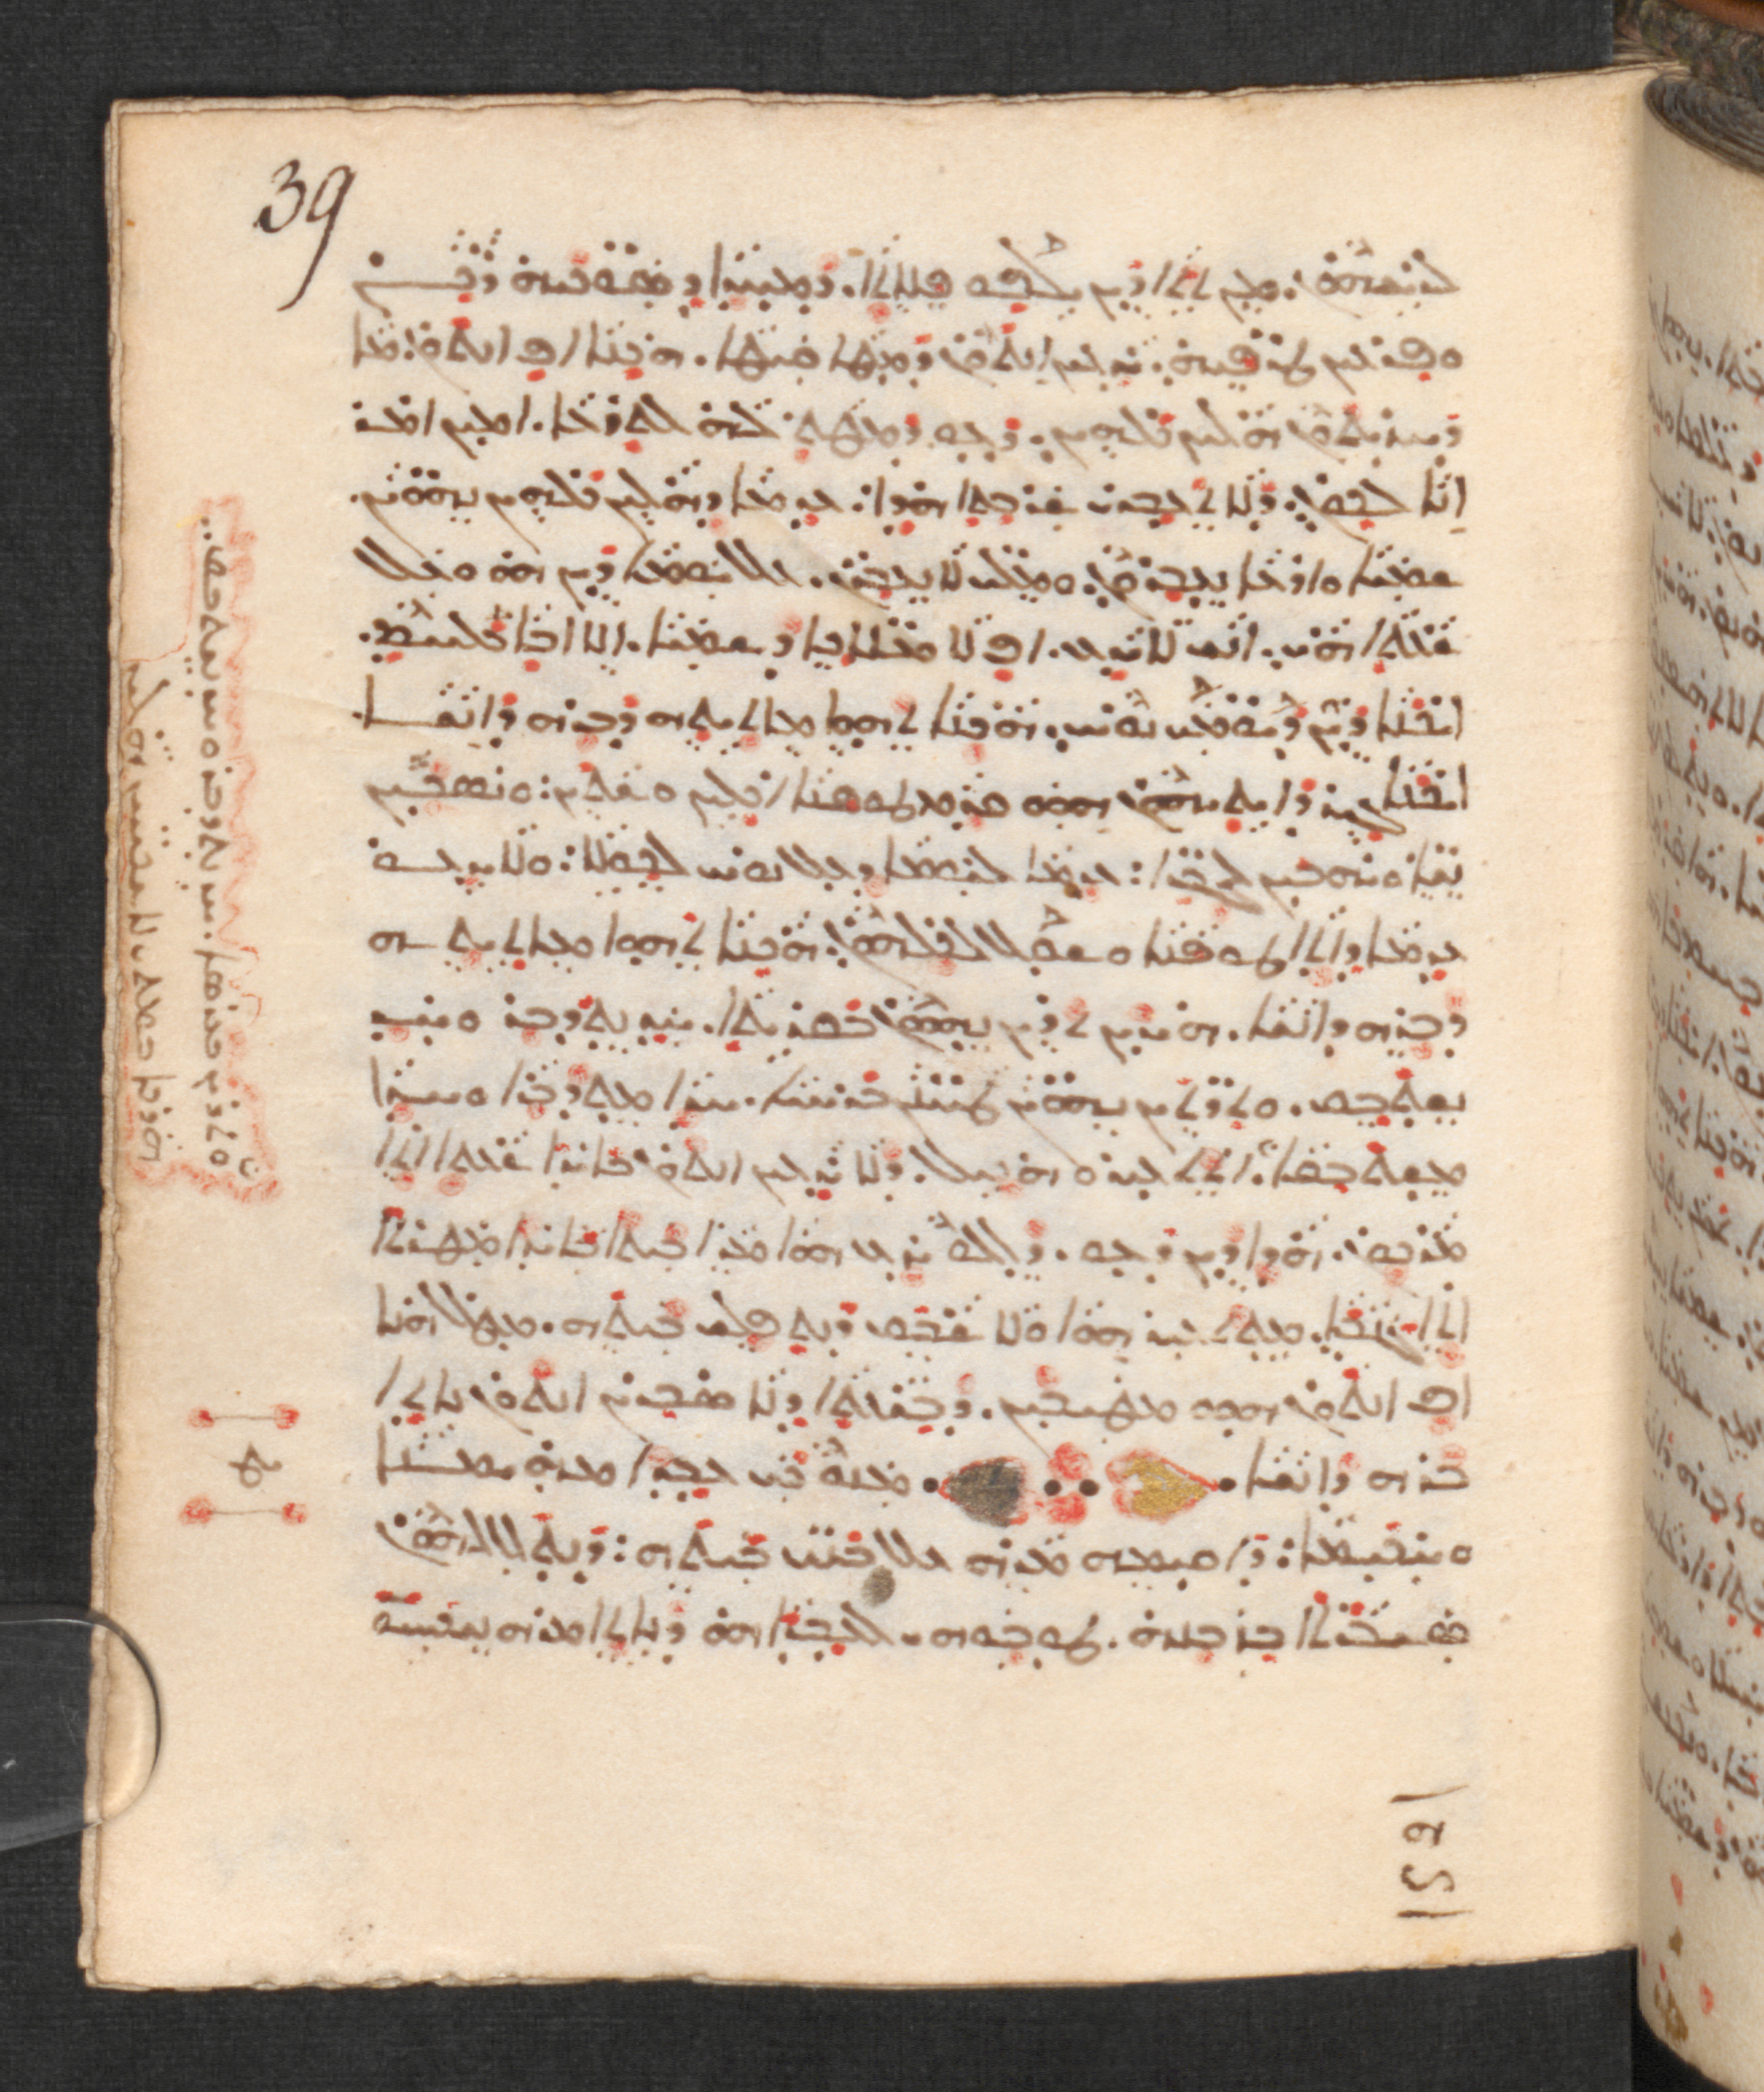ܠܪܫܗܘܢ. ܡ̣ܢ ܬܬܐ ܕܝܢ ܝܠܦܘ ܦܠܐܬܐ. ܕܡܚܕܐ ܕܣܘ̈ܟܝܗ̇ ܪ̈ܟܢ
ܘܦܪܥܝܢ ܛܪ̈ܦܝܗ̇: ܝܕܥܝܢ ܐܢܬܘܢ ܕܡܛܐ ܩܝܛܐ. ܗܟܢܐ ܐܦ ܐܢܬܘܢ ܡܐ
ܕܚܙܝܬܘܢ ܗܠܝܢ ܟܠܗܝܢ: ܕܥܘ ܕܡܛܬ݀ ܠܗ̇ ܠܬܪܥܐ. ܐܡܝܢ ܐܡ̇ܪ
ܐܢܐ ܠܟܘܢ: ܕܠܐ ܬܥܒܪܝ ܫܪܒܬܐ ܗܕܐ܇ ܥܕܡܐ ܕܗܠܝܢ ܟܠܗܝܢ ܢܗܘܝܢ.
ܫܡܝܐ ܘܐܪܥܐ ܢܥܒܪܘܢ: ܘܡ̈ܠܝ ܠܐ ܢܥܒܪܢ. ܥܠ ܝܘܡܐ ܕܝܢ ܗ̇ܘ ܘܥܠ
ܫܥܬܐ ܗ̇ܝ܆ ܐܢܫ ܠܐ ܝܕܥ. ܐܦ ܠܐ ܡ̈ܠܐܟܐ ܕܫܡܝܐ. ܐܠܐ ܐܒܐ ܒܠܚܘܕ.
ܐܝܟܢܐ ܕܝܢ ܕܝܘ̈ܡܝ ܢܘܚ܆ ܗܟܢܐ ܬܗܘܐ ܡܐܬܝܬܗ ܕܒܪܗ ܕܐܢܫܐ.
ܐܝܟܢܐ ܓܝܪ ܕܐܝܬܝܗܘܢ ܗܘܘ ܩܕܡ ܛܘܦܢܐ ܐܟܠܝܢ ܘܫܬܝܢ: ܘܢܣܒܝܢ
ܢܫ̈ܐ ܘܝܗܒܝܢ ܠܓܒܪ̈ܐ: ܥܕܡܐ ܠܝܘܡܐ ܕܥ̣ܠ ܢܘܚ ܠܟܘܠܐ: ܘܠܐ ܝܕܥܘ
ܥܕܡܐ ܕܐܬܐ ܛܘܦܢܐ ܘܫܩ̣ܠ ܠܟܠܗܘܢ܆ ܗܟܢܐ ܬܗܘܐ ܡܐܬܝܬܗ
ܕܒܪܗ ܕܐܢܫܐ. ܗܝܕܝܢ ܬܪܝܢ ܢܗܘܘܢ ܒܩܪܝܬܐ. ܚܕ ܢܬܕܒܪ ܘܚܕ
ܢܫܬܒܩ. ܘܬܪ̈ܬܝܢ ܢܗܘ̈ܝܢ ܛܚ̈ܢܢ ܒܪܚܝܐ. ܚܕܐ ܡܬܕܒܪܐ ܘܚܕܐ
ܡܫܬܒܩܐ. ܐܬܬܥܝܪܘ ܗܟܝܠ. ܕܠܐ ܝܕܥܝܢ ܐܢܬܘܢ ܒܐܝܕܐ ܫܥܬܐ ܐܬܐ
ܡܪܟܘܢ. ܗܕܐ ܕܝܢ ܕܥ̣ܘ. ܕܐܠܘ ܝ̇ܕܥ ܗܘܐ ܡܪܐ ܒܝܬܐ ܒܐܝܕܐ ܡܛܪܬܐ
ܐܬܐܓܢܒܐ ܡܬܬܥܝܪ ܗܘܐ ܘܠܐ ܫ̇ܒܩ ܕܢܬܦܠܫ ܒܝܬܗ. ܡܛܠ ܗܢܐ
ܐܦ ܐܢܬܘܢ ܗܘܘ ܡܛܝܒܝܢ. ܕܒܫܥܬܐ ܕܠܐ ܣ̇ܒܪܝܢ ܐܢܬܘܢ ܢܐܬܐ
ܒܪܗ ܕܐܢܫܐ܀ ܡܢܘ ܟܝ ܥܒܕܐ ܡܗܝܡܢܐ
ܘܚܟܝܡܐ: ܕܐܩܝܡܗ ܡܪܗ ܥܠ ܒܢ̈ܝ ܒܝܬܗ: ܕܢܬܠ ܠܗܘܢ
ܣܝܒܪܬܐ ܒܙܒܢܗ̇. ܛܘܒܘܗܝ ܠܥܒܕܐ ܗ̇ܘ ܕܢܐܬܐ ܡܪܗ ܢܫܟܚܝܘ
39
ܘܬܪܝܢ ܒܥܪܣܐ. ܚܕ ܢܬܕܒܪ ܘܚܕ ܢܫܬܒܩ
ܗܪܟܐ ܒܡܬܝ ܠܐ ܫܟܝܚ̈ܢ ܗܠܝܢ
ܛ
152